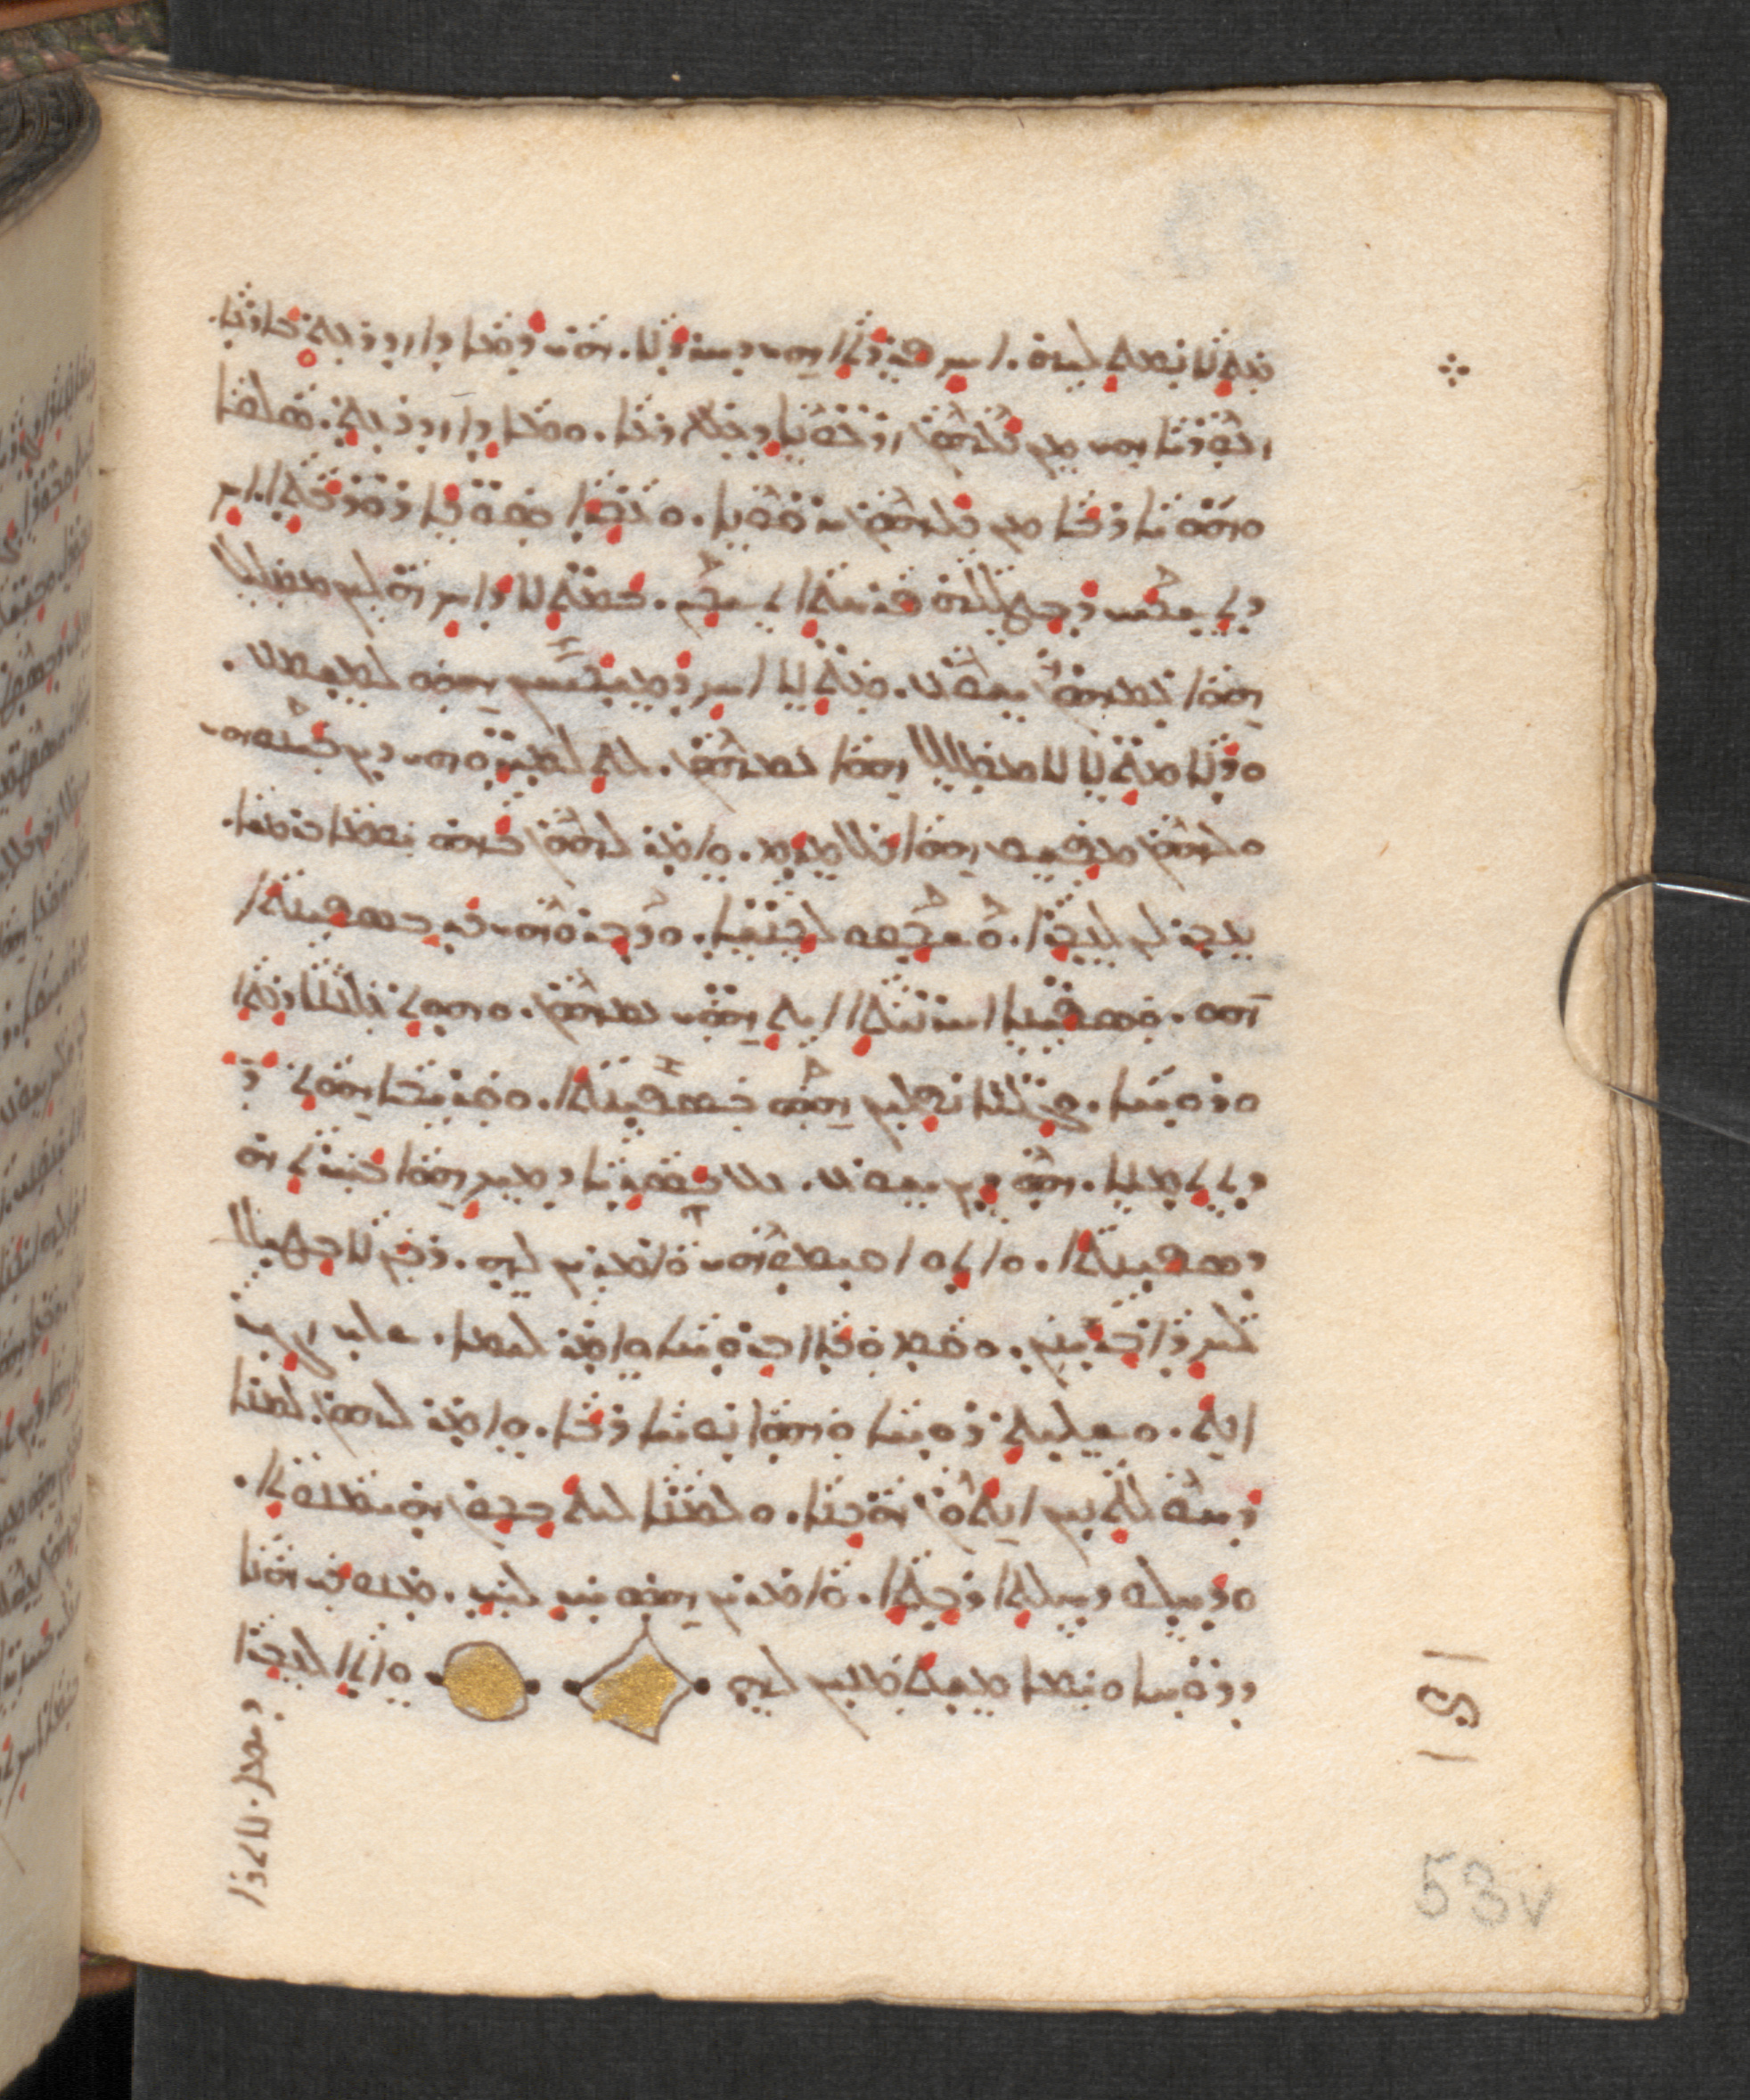ܡܬܠܐ ܢܡܬܠܝܗ̇. ܐܝܟ ܦܪܕܬܐ ܗܝ ܕܚܪܕܠܐ. ܗ̇ܝ ܕܡܐ ܕܐܙܕܪܥܬ ܒܐܪܥܐ܆
ܙܥܘܪܝܐ ܗܝ ܡܢ ܟܠܗܘܢ ܙܪ̈ܥܘܢܐ ܕܥܠ ܐܪܥܐ. ܘܡܐ ܕܐܙܕܪܥܬ܆ ܣܠܩܐ
ܘܗ̇ܘܝܐ ܪܒܐ ܡܢ ܟܠܗܘܢ ܝܪ̈ܩܘܢܐ. ܘܥ̇ܒܕܐ ܣܘ̈ܟܐ ܪ̈ܘܪܒܬܐ܆ ܐܝܟ
ܕܬܫܟܚ ܕܒܛܠܠܗ̇ ܦܪܚܬܐ ܬܫܟܢ. ܒܡ̈ܬܠܐ ܕܐܝܟ ܗ̇ܠܝܢ ܡܡܠܠ
ܗܘܐ ܥܡܗܘܢ ܝܫܘܥ. ܡܬ̈ܠܐ ܐܝܟ ܕܡܫܟܚܝܢ ܗܘܘ ܠܡܫܡܥ.
ܘܕܠܐ ܡܬ̈ܠܐ ܠܐ ܡܡܠܠ ܗܘܐ ܥܡܗܘܢ. ܠܬܠܡܝܕ̈ܘܗܝ ܕܝܢ ܒܝܢܘܗܝ
ܘܠܗܘܢ ܡܦܫܩ ܗܘܐ ܟܠ ܡܕܡ. ܘܐܡ̣ܪ ܠܗܘܢ ܒܗ̇ܘ ܝܘܡܐ ܒܪܡܫܐ.
ܢܥܒܪ ܠܢ ܠܥܒܪܐ. ܘܫܒ̣ܩܘ ܠܟܢ̈ܫܐ܆ ܘܕܒܪܘܗܝ ܟܕ ܒܣܦܝܢܬܐ
ܗܘ. ܘܣܦܝ̈ܢܐ ܐܚܪ̈ܢܝܬܐ ܐܝܬ ܗܘ̈ܝ ܥܡܗܘܢ. ܘܗܘܬ ܥ̈ܠܥܢܐ ܪܒܬܐ
ܘܪܘܚܐ. ܘܓܠ̈ܠܐ ܢ̇ܦܠܝܢ ܗܘܘ ܒܣܦܝܢܬܐ. ܘܩܪܝܒܐ ܗܘܬ ܏ܕ
ܕܬܬܡܠܐ. ܗ̣ܘ ܕܝܢ ܝܫܘܥ. ܥܠ ܒܣܕܝܐ ܕܡܝܟ ܗܘܐ ܒܚܪܬܗ̇
ܕܣܦܝܢܬܐ. ܘܐܬ̣ܘ ܐܩܝܡܘܗܝ ܘܐܡ̇ܪܝܢ ܠܗ. ܪܒܢ ܠܐ ܒܛܝܠ
ܠܟ ܕܐܒܕܝܢܢ܆ ܘܩܡ ܘܟܐܐ ܒܪܘܚܐ ܘܐܡ̣ܪ ܠܝܡܐ. ܫܠܝ ܙܓܝܪ
ܐܢܬ. ܘܫܠܝܬ ܪܘܚܐ ܘܗܘ̣ܐ ܢܘܚܐ ܪܒܐ. ܘܐܡ̣ܪ ܠܗܘܢ܆ ܠܡܢܐ
ܕܚܘܠܬܢܝܢ ܐܢܬܘܢ ܗܟܢܐ. ܘܠܡܢܐ ܠܝܬ ܒܟܘܢ ܗܝܡܢܘܬܐ.
ܘܕܚܠܘ ܕܚܠܬܐ ܪܒܬܐ. ܘܐܡ̇ܪܝܢ ܗܘܘ ܚܕ ܠܚܕ. ܡܢܘ ܟܝ ܗܢܐ
ܕܪ̈ܘܚܐ ܘܝܡܐ ܡܫܬܡܥܝܢ ܠܗ ܀ ܀ ܘܐܬ̣ܐ ܠܥܒܪܐ
܀
8
ܕܝܡܐ. ܠܐܬܪܐ
53v